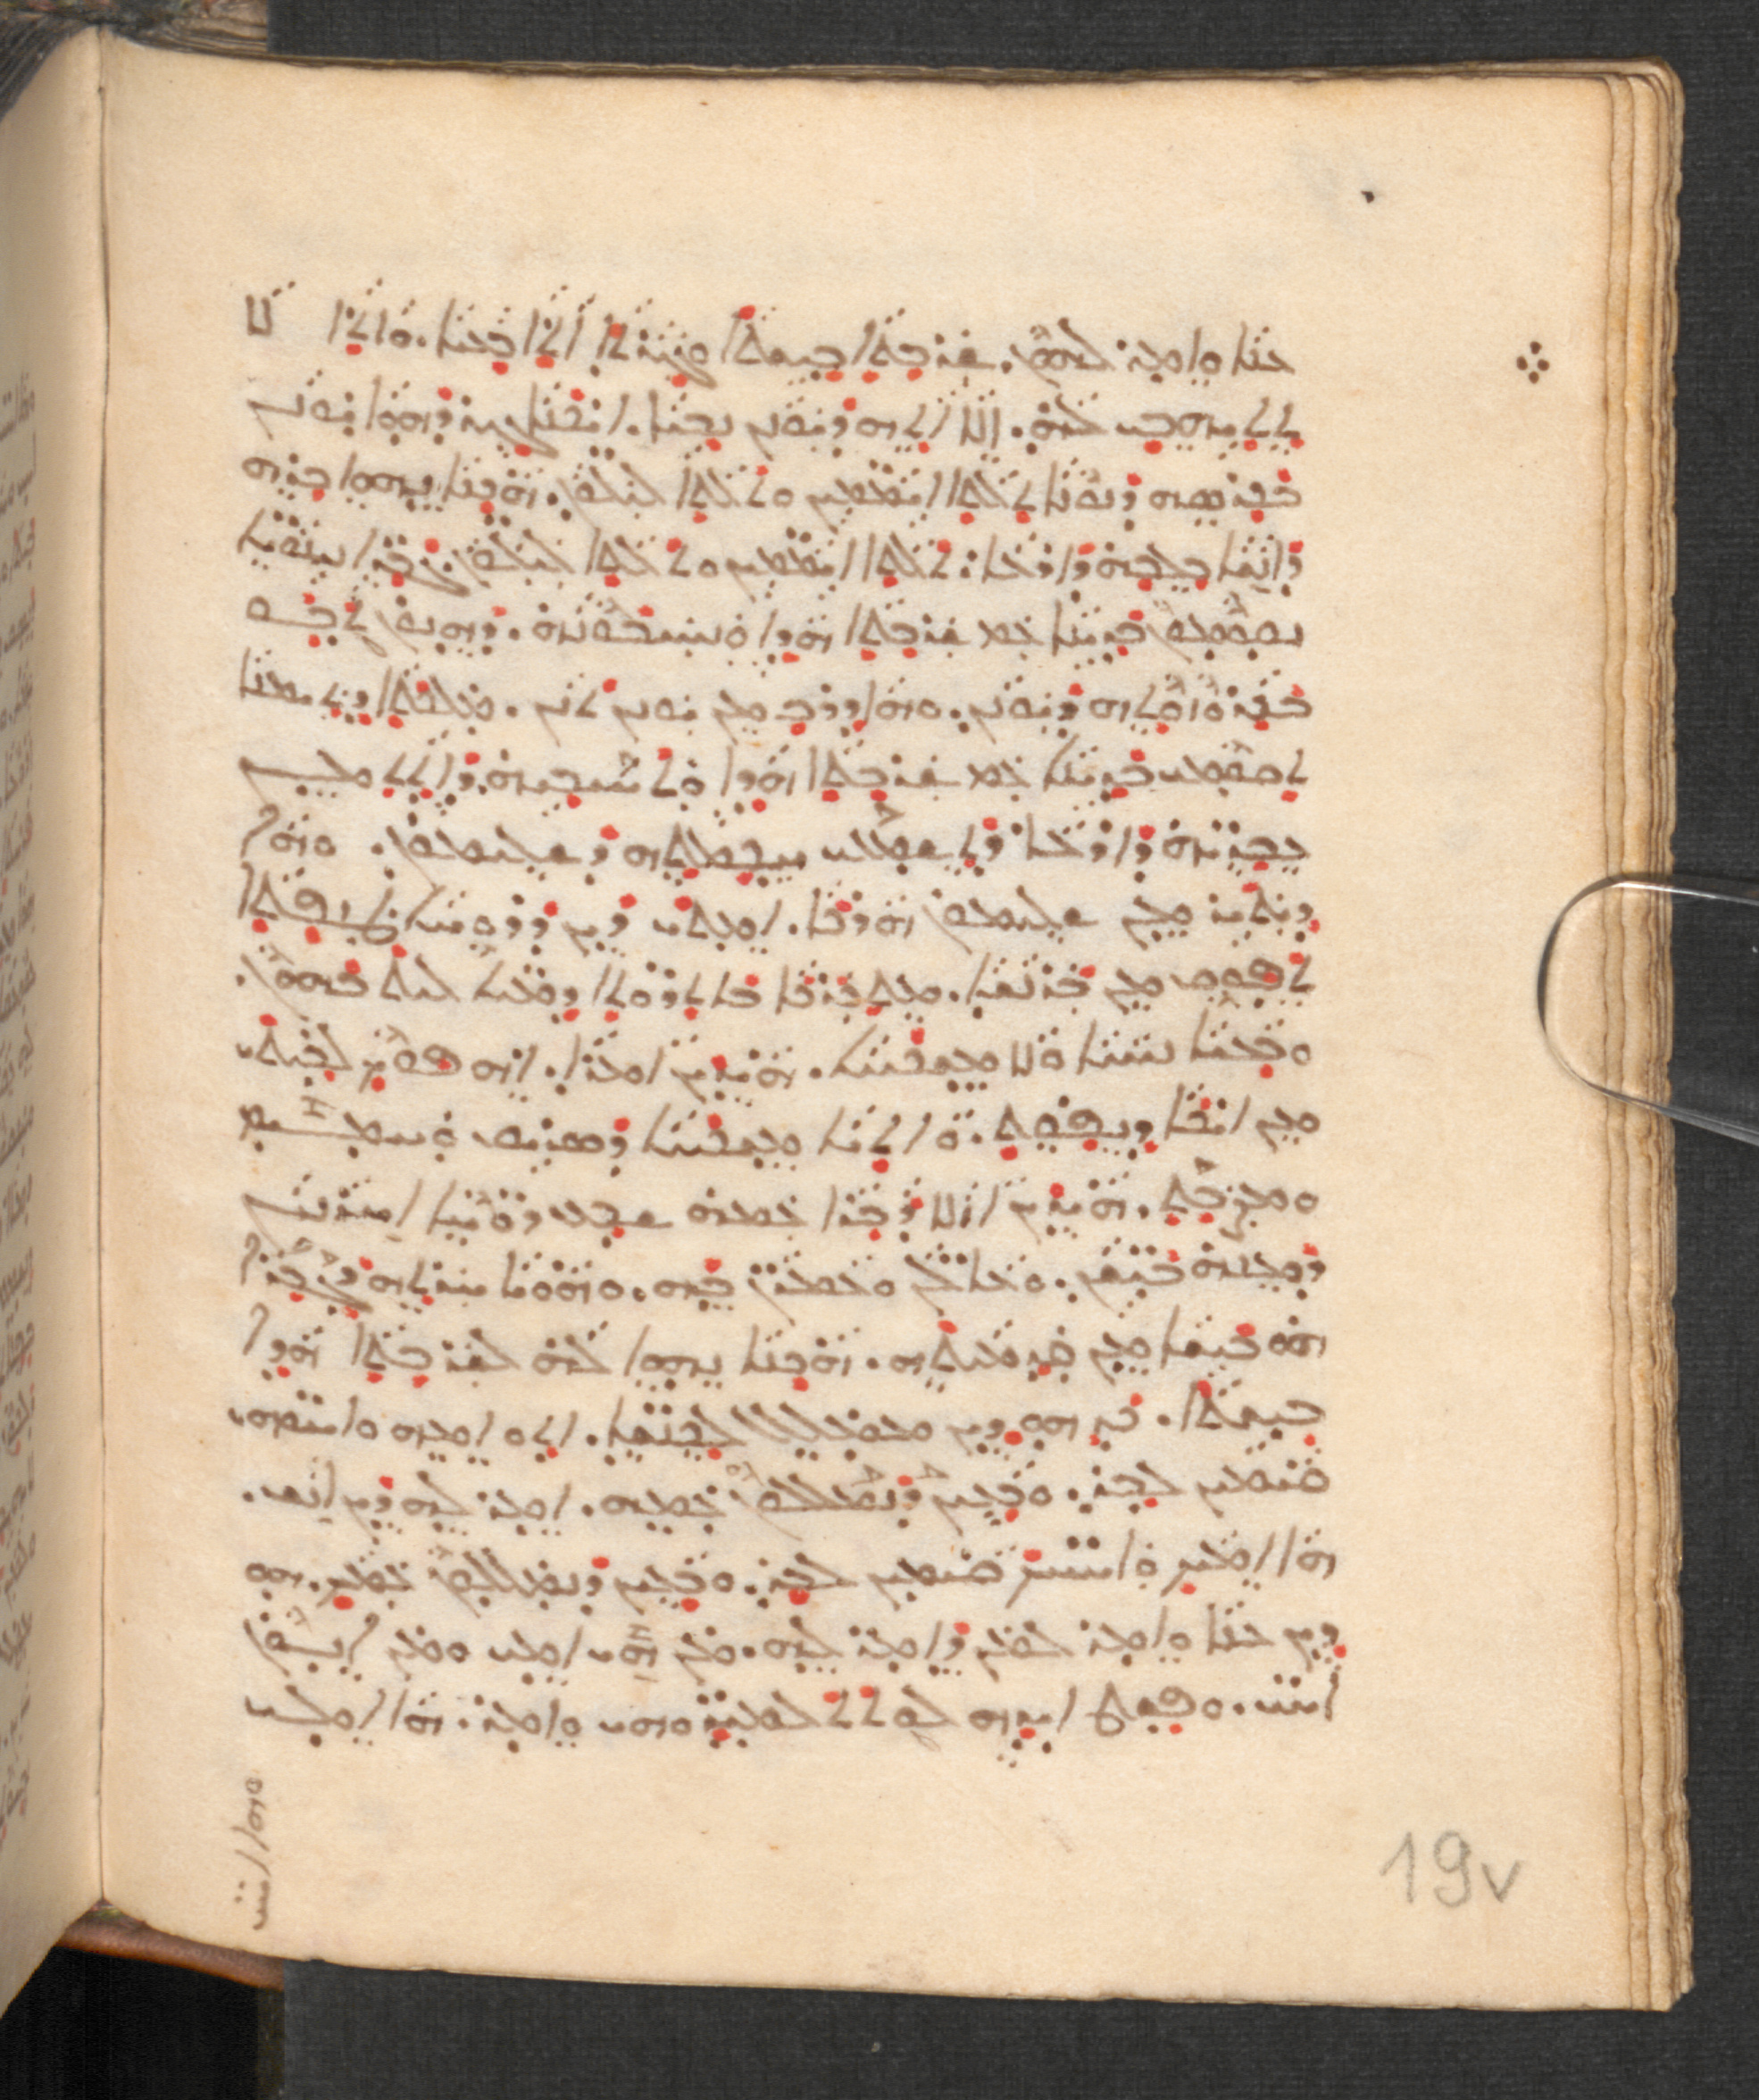ܥܢܐ ܘܐܡ̣ܪ ܠܗܘܢ. ܫܪܒܬܐ ܒܝܫܬܐ ܘܓܝܪܬܐ ܐܬܐ ܒܥܝܐ. ܘܐܬܐ ܠܐ
ܬܬܝܗܒܝ ܠܗ̇. ܐܠܐ ܐܬܗ ܕܝܘܢܢ ܢܒܝܐ. ܐܝܟܢܐ ܓܝܪ ܕܗܘܐ ܝܘܢܢ
ܒܟܪܣܗ ܕܢܘܢܐ ܬܠܬܐ ܐܝܡ̈ܡܝܢ ܘܬܠܬܐ ܠܝ̈ܠܘܢ: ܗܟܢܐ ܢܗܘܐ ܒܪܗ
ܕܐܢܫܐ ܒܠܒܗ̇ ܕܐܪܥܐ܇ ܬܠܬܐ ܐܝܡ̈ܡܝܢ ܘܬܠܬܐ ܠܝܠܘ̈ܢ. ܓܒܪ̈ܐ ܢܝܢܘ̈ܝܐ
ܢܩܘܡܘܢ ܒܕܝܢܐ ܥܡ ܫܪܒܬܐ ܗܕܐ ܘܢܚܝܒܘܢܗ̇ ܕܗܢܘܢ ܬܒܘ
ܒܟܪܘܙܘܬܗ ܕܝܘܢܢ܆ ܘܗܐ ܕܪܒ ܡܢ ܝܘܢܢ ܬܢܢ. ܡܠܟܬܐ ܕܬܝܡܢܐ
ܬܩܘܡܝ ܒܕܝܢܐ ܥܡ ܫܪܒܬܐ ܗܕܐ ܘܬܚܝܒܝܗ̇ ܕܐܬ̣ܬ ܡ̣ܢ
ܥܒܪ̈ܝܗ̇ ܕܐܪܥܐ ܕܬܫܡ̣ܥܝ ܚܟܡܬܗ ܕܫܠܝܡܘܢ܆ ܘܗܐ
ܕܝܬܝܪ ܡ̣ܢ ܫܠܝܡܘܢ ܗܪܟܐ. ܐܡܬܝ ܕܝܢ ܕܪܘܚܐ ܛܢܦܬܐ
ܬܦܘܩ ܡܢ ܒܪܢܫܐ. ܡܬܟܪܟܐ ܒܐܬܪ̈ܘܬܐ ܕܡ̈ܝܐ ܠܝܬ ܒܗܘܢ.
ܘܒܥܝܐ ܢܝܚܐ ܘܠܐ ܡܫܟܚܐ. ܗܝܕܝܢ ܐܡܪܐ܆ ܐܗܦܘܟ ܠܒܝܬܝ
ܡܢ ܐܝܟܐ ܕܢܦܩܬ. ܘܐܬܝܐ ܡܫܟܚܐ ܕܣܪܝܩܢ ܘܚܡܝܡ
ܘܡܨܒܬ. ܗܝܕܝܢ ܐܙܠܐ ܕܒܪܐ ܥܡܗ̇ ܫܒܥ ܪ̈ܘܚܐ ܐܚܪܢܝܢ
ܕܡܢܗ ܒܝ̈ܫܢ܆ ܘܥܐ̈ܠܢ ܘܥܡܪ̈ܢ ܒܗ. ܘܗܘܝܐ ܚܪܬܗ ܕܓܒܪܐ
ܗ̇ܘ ܒܝܫܐ ܡ̣ܢ ܩܕܡܝܬܗ. ܗܟܢܐ ܢܗܘܐ ܠܗ̇ ܠܫܪܒܬܐ ܗܕܐ
ܒܝܫܬܐ. ܟܕ ܗ̣ܘ ܕܝܢ ܡܡܠܠ ܠܟܢ̈ܫܐ. ܐܬ̣ܘ ܐܡܗ ܘܐܚ̈ܘܗܝ
ܩܝܡܝܢ ܠܒܪ܆ ܘܒܥܝܢ ܕܢܡܠܠܘܢ ܥܡܗ. ܐܡ̣ܪ ܠܗ ܕܝܢ ܐܢܫ.
ܗܐ ܐܡܝܟ ܘܐܚ̈ܝܟ ܩܝܡܝܢ ܠܒܪ܆ ܘܒ̇ܥܝܢ ܕܢܡܠܠܘܢ ܥܡܟ. ܗ̣ܘ
ܕܝܢ ܥܢܐ ܘܐܡ̣ܪ ܠܡ̇ܢ ܕܐܡ̣ܪ ܠܗ. ܡ̇ܢ ܗܝ ܐܡܝ ܘܡ̇ܢ ܐܢܘܢ
ܐܚ̈ܝ. ܘܦܫ̣ܛ ܐܝܕܗ ܠܘܬ ܬܠܡܝܕ̈ܘܗܝ ܘܐܡ̣ܪ: ܗܐ ܐܡ̣ܝ
܀
ܘܗܐ ܐܚ̈ܝ
19v